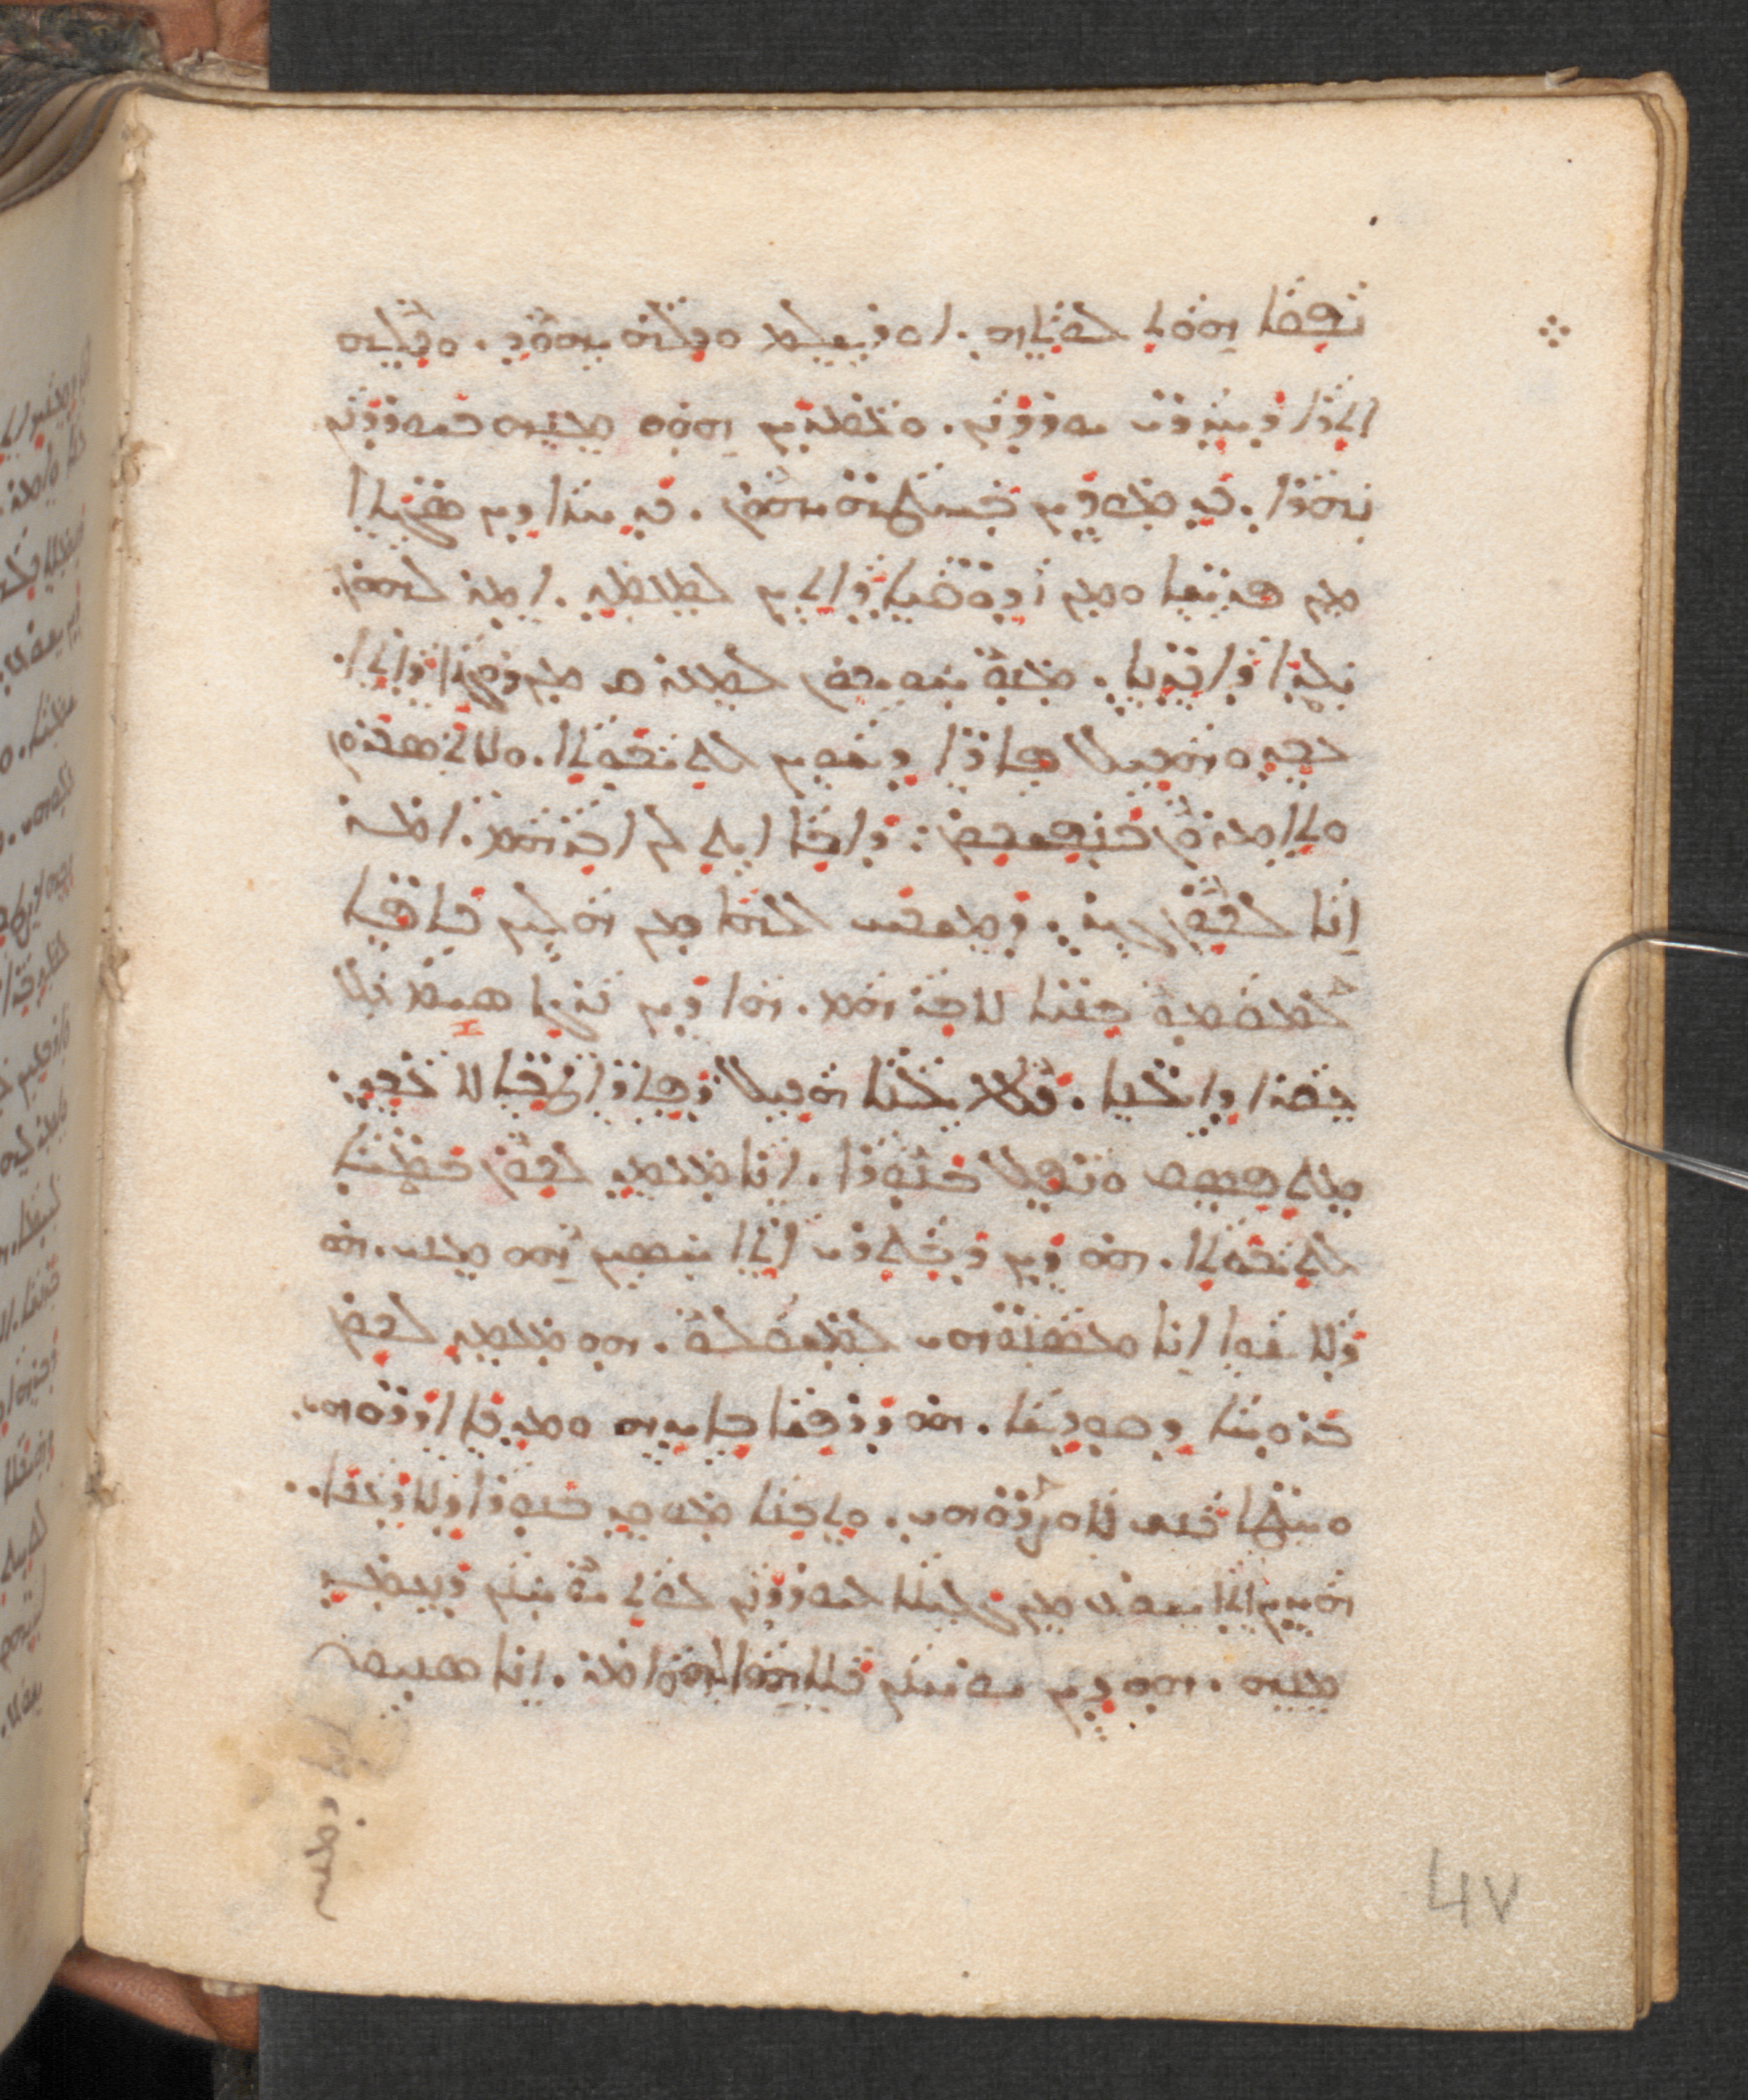ܢܦܩܐ ܗܘܬ ܠܘܬܗ܆ ܐܘܪܫܠܡ ܘܟܠܗ̇ ܝܗܘܕ. ܘܟܠܗ
ܐܬܪܐ ܕܚܕܪ̈ܝ ܝܘܪܕܢܢ. ܘܥ̇ܡܕܝܢ ܗܘܘ ܡܢܗ ܒܝܘܪܕܢܢ
ܢܗܪܐ܉ ܟܕ ܡܘܕܝܢ ܒܚܛܗ̈ܝܗܘܢ. ܟܕ ܚܙܐ ܕܝܢ ܣ̈ܓܝܐܐ
ܡ̣ܢ ܦܪ̈ܝܫܐ ܘܡ̣ܢ ܙܕܘ̈ܩܝܐ ܕܐܬܝܢ ܠܡܥܡܕ. ܐܡ̣ܪ ܠܗܘܢ.
ܝܠܕܐ ܕܐܟ̈ܕܢܐ܉ ܡܢܘ ܚܘܝܟܘܢ ܠܡܥܪܩ ܡ̣ܢ ܪܘܓܙܐ ܕܐ̇ܬܐ.
ܥܒܕܘ ܗܟܝܠ ܦܐܪ̈ܐ ܕܫܘܝܢ ܠܬܝܒܘܬܐ. ܘܠܐ ܬܣܒܪܘܢ
ܘܬܐܡܪܘܢ ܒܢܦܫܟܘܢ: ܕܐܒܐ ܐܝܬ ܠܢ ܐܒܪܗܡ. ܐܡ̇ܪ
ܐܢܐ ܠܟܘܢ ܓܝܪ܆ ܕܡܫܟܚ ܐܠܗܐ ܡ̣ܢ ܗܠܝܢ ܟܐܦ̈ܐ
ܠܡܩܡܘ ܒܢ̈ܝܐ ܠܐܒܪܗܡ. ܗܐ ܕܝܢ ܢܪܓܐ ܣܝܡ ܥܠ
ܥܩܪ̈ܐ ܕܐܝܠ̈ܢܐ. ܟܠ ܐܝܠܢܐ ܗܟܝܠ ܕܦܐܪ̈ܐ ܛܒ̈ܐ ܠܐ ܥ̇ܒܕ܉
ܡܬܦܣܩ ܘܢ̇ܦܠ ܒܢܘܪܐ. ܐܢܐ ܡܥܡܕ ܐܢܐ ܠܟܘܢ ܒܡ̈ܝܐ
ܠܬܝܒܘܬܐ. ܗ̇ܘ ܕܝܢ ܕܒܬܪܝ ܐ̇ܬܐ ܚܣܝܢ ܗܘ ܡܢܝ. ܗ̇ܘ
ܕܠܐ ܫܘܐ ܐܢܐ ܡܣܢܘ̈ܗܝ ܠܡܫܩܠܘ .ܗ̣ܘ ܡܥܡܕ ܠܟܘܢ
ܒܪܘܚܐ ܕܩܘܕܫܐ. ܘܒܢܘܪܐ ܗܘ ܕܪܦ݂ܫܐ ܒܐܝܕܗ ܘܡܕܟܐ ܐܕܪ̈ܘܗܝ.
ܘܚܛ̈ܐ ܟܢܫ ܠܐܘܨܪ̈ܘܗܝ܆ ܘܬܒܢܐ ܡܘܩܕ ܒܢܘܪܐ ܕܠܐ ܕܥܟܐ..
ܗܝܕܝܢ ܐܬ̣ܐ ܝܫܘܥ ܡ̣ܢ ܓܠܝܠܐ ܠܝܘܪܕܢܢ ܠܘܬ ܝܘܚܢܢ ܕܢܥܡܕ
ܡܢܗ. ܗ̣ܘ ܕܝܢ ܝܘܚܢܢ ܟܠܐ ܗܘܐ ܠܗ ܘܐܡ̇ܪ. ܐܢܐ ܣܢܝܩ
܀
ܕܡܢܟ
4v